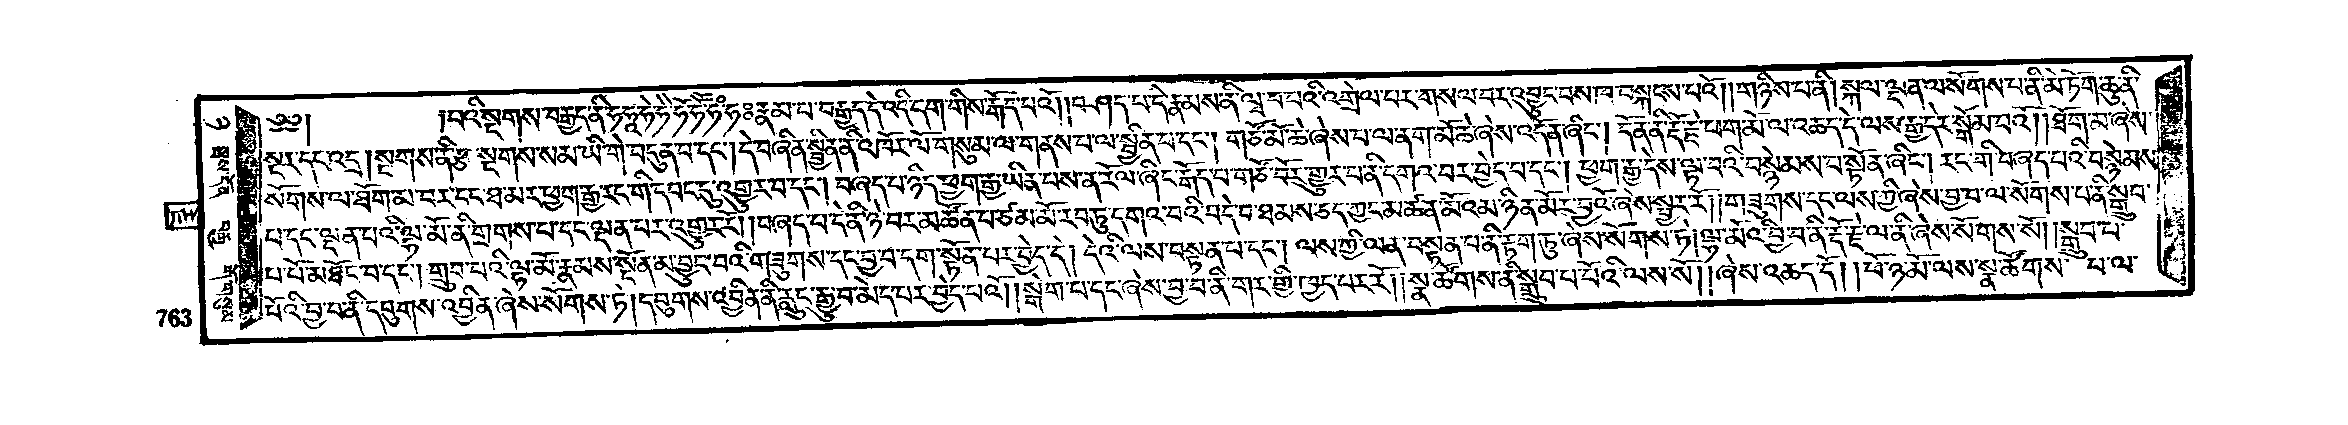༄༅། །པའི་སྔགས་བརྒྱད་ནི་ཧ་ཧཱ་ཧེ་ཧཻ་ཧོ་ཧཽ་ཧཾ་ཧཿ རྣམ་པ་བརྒྱད་དེ་འདི་དག་གིས་རྒོད་པའོ། །བཤད་པ་དེ་རྣམས་ནི་ལྭ་བ་པའི་འགྲེལ་པར་གསལ་བར་འབྱུང་བས་ཁ་བསྐངས་པའོ། །གཉིས་པ་ནི། སྐལ་ལྡན་ལ་སོགས་པ་ནི་མེ་ཏོག་ཆུ་ནི་
སྔར་དང་འདྲ། སྔགས་ནི་རྩ་སྔགས་སམ་ཡི་གེ་བདུན་པ་དང་། དེ་བཞིན་སྦྱིན་ནི་འཁོར་ལོ་གསུམ་ལ་གནས་པ་ལ་སྦྱིན་པ་དང་། གཙོ་མོ་ཆེ་ཞེས་པ་ལ་ནག་མོ་ཆེ་ཞེས་འདོན་ཞིང་། དོན་ནི་རྡོ་རྗེ་ཕག་མོ་ལ་འཆད་དེ་ལས་རྒྱ་དེར་སྒོམ་པའོ། །ཐོག་མ་ཞེས་
སོགས་ལ་ཐོག་མ་བར་དང་ཐ་མར་ཕྱག་རྒྱ་རང་གི་དབང་དུ་འགྱུར་བ་དང་། བཞད་པ་ཉིད་ཕྱག་རྒྱ་ཡིན་པས་ན་རོལ་ཞིང་རྒོད་པ་གཙོ་བོར་གྱུར་པ་ནི་དགའ་བར་བྱེད་པ་དང་། ཕྱག་རྒྱ་དེས་ལྟ་བའི་བསྙེམས་པ་སྟོན་ཞིང་། རང་གི་བཞད་པའི་བསྙེམས་
པ་དང་ལྡན་པའི་ལྷ་མོ་ནི་གྲགས་པ་དང་ལྡན་པར་འགྱུར་རོ། །བཞད་པ་དེ་ནི་ཉེ་བར་མཚོན་པ་ཙམ་མོ་རབ་ཏུ་དགའ་བའི་བདེ་བ་ཐམས་ཅད་ཀྱང་མཚན་མོའམ་ཉིན་མོར་བྱའོ་ཞེས་སྦྱར་རོ། །གཟུགས་དང་ལས་ཀྱི་ཞེས་བྱ་བ་ལ་སོགས་པ་ནི་སྒྲུབ་
པ་པོ་མཐོང་བ་དང་། གྲུབ་པའི་ལྷ་མོ་རྣམས་སྔོན་མ་བྱུང་བའི་གཟུགས་དང་བྱ་བ་དག་སྟོན་པར་བྱེད་དེ། དེའི་ལས་བསྟན་པ་དང་། ལས་ཀྱི་ལན་བསྟན་པ་ནི་རྟག་ཏུ་ཞེས་སོགས་ཏེ། ལྷ་མོའི་བྱ་བ་ནི་རྡོ་རྗེ་ལ་ནི་ཞེས་སོགས་སོ། །སྒྲུབ་པ་
པོའི་བྱ་བ་ནི་དབུགས་འབྱིན་ཞེས་སོགས་ཏེ། དབུགས་འབྱིན་ནི་རླུང་རྒྱུ་བ་མེད་པར་བྱེད་པའོ། །སྒེག་པ་དང་ཞེས་བྱ་བ་ནི་གར་གྱི་ཁྱད་པར་རོ། །སྣ་ཚོགས་ནི་སྒྲུབ་པ་པོའི་ལས་སོ། །ཞེས་འཆད་དོ། །ཕོ་ཉ་མོ་ལས་སྣ་ཚོགས་པ་ལ་